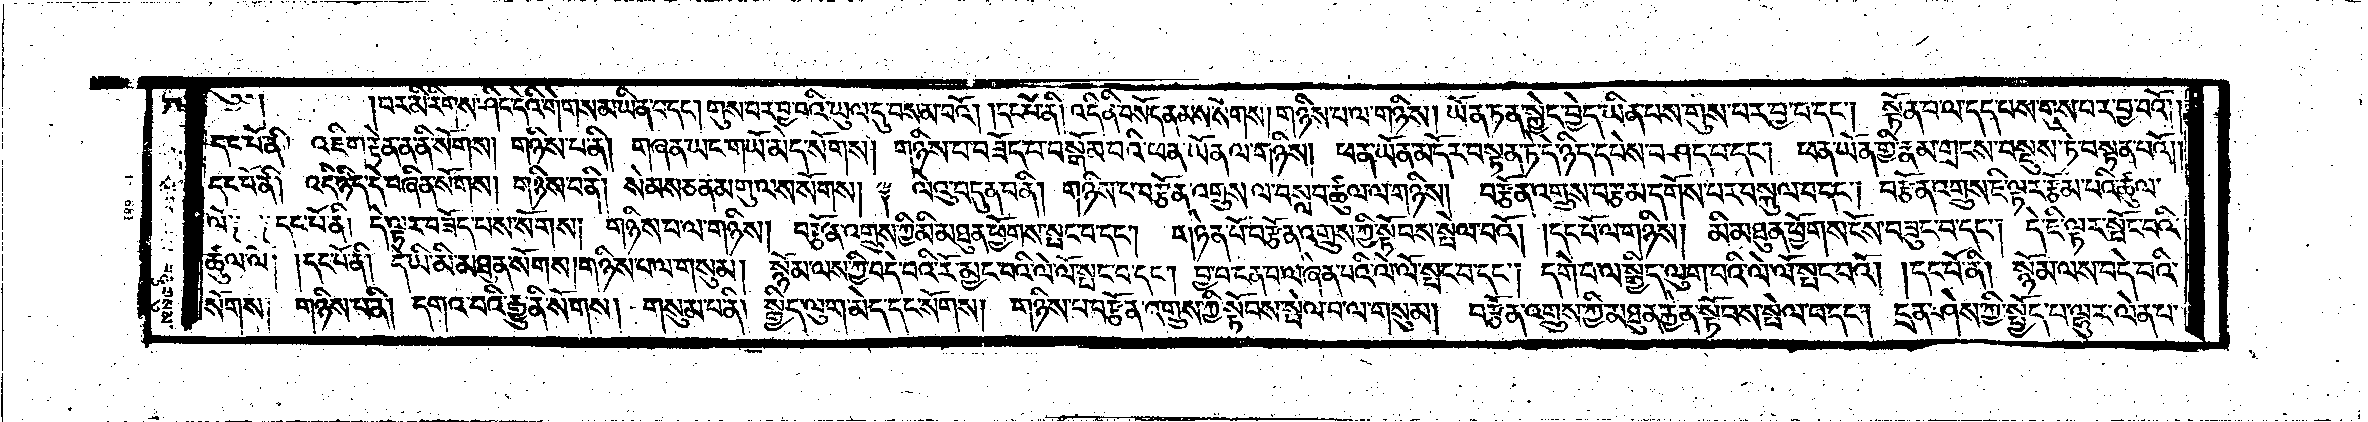༄༅། །བར་མི་རིགས་ཤིང་དེའི་གེགས་མ་ཡིན་པ་དང་། གུས་པར་བྱ་བའི་ཡུལ་དུ་བསམ་པའོ། །དང་པོ་ནི། འདི་ནི་བསོད་ནམས་སོགས། གཉིས་པ་ལ་གཉིས། ཡོན་ཏན་སྐྱེད་བྱེད་ཡིན་པས་གུས་པར་བྱ་བ་དང་། སྟོན་པ་ལ་དད་པས་གུས་པར་བྱ་བའོ། །
དང་པོ་ནི། འཇིག་རྟེན་ན་ནི་སོགས། གཉིས་པ་ནི། གཞན་ཡང་གཡོ་མེད་སོགས། གཉིས་པ་བཟོད་པ་བསྒོམ་པའི་ཕན་ཡོན་ལ་གཉིས། ཕན་ཡོན་མདོར་བསྟན་ཏེ་དེ་ཉིད་དཔེས་བཤད་པ་དང་། ཕན་ཡོན་གྱི་རྣམ་གྲངས་བསྡུས་ཏེ་བསྟན་པའོ། །
དང་པོ་ནི། འདི་ཉིད་དེ་བཞིན་སོགས། གཉིས་པ་ནི། སེམས་ཅན་མགུ་ལས་སོགས། ༈ ལེའུ་བདུན་པ་ནི། གཉིས་པ་བརྩོན་འགྲུས་ལ་བསླབ་ཚུལ་ལ་གཉིས། བརྩོན་འགྲུས་པ་ཙམ་དགོས་པར་བསྐུལ་བ་དང་། བརྩོན་འགྲུས་ཇི་ལྟར་རྩོམ་པའི་ཚུལ་
ལོ༑ ༑དང་པོ་ནི། དེ་ལྟར་བཟོད་པས་སོགས། གཉིས་པ་ལ་གཉིས། བརྩོན་འགྲུས་ཀྱི་མི་མཐུན་ཕྱོགས་སྤང་བ་དང་། གཉེན་པོ་བརྩོན་འགྲུས་ཀྱི་སྟོབས་སྤེལ་བའོ། །དང་པོ་ལ་གཉིས། མི་མཐུན་ཕྱོགས་ངོས་བཟུང་བ་དང་། དེ་ཇི་ལྟར་སྤོང་བའི་
ཚུལ་ལོ། །དང་པོ་ནི། དེ་ཡི་མི་མཐུན་སོགས། གཉིས་པ་ལ་གསུམ། སྙོམ་ལས་ཀྱི་བདེ་བའི་རོ་མྱང་བའི་ལེ་ལོ་སྤང་བ་དང་། བྱ་བ་ངན་པ་ལ་ཞེན་པའི་ལེ་ལོ་སྤང་བ་དང་། དགེ་བ་ལ་སྒྱིད་ལུག་པའི་ལེ་ལོ་སྤང་བའོ། །དང་པོ་ནི། སྙོམ་ལས་བདེ་བའི་
སོགས། གཉིས་པ་ནི། དགའ་བའི་རྒྱུ་ནི་སོགས། གསུམ་པ་ནི། སྒྱིད་ལུག་མེད་དང་སོགས། གཉིས་པ་བརྩོན་འགྲུས་ཀྱི་སྟོབས་སྤེལ་བ་ལ་གསུམ། བརྩོན་འགྲུས་ཀྱི་མཐུན་རྐྱེན་སྟོབས་སྤེལ་བ་དང་། དྲན་ཤེས་ཀྱི་སྤྱོད་པ་ལྷུར་ལེན་པ་